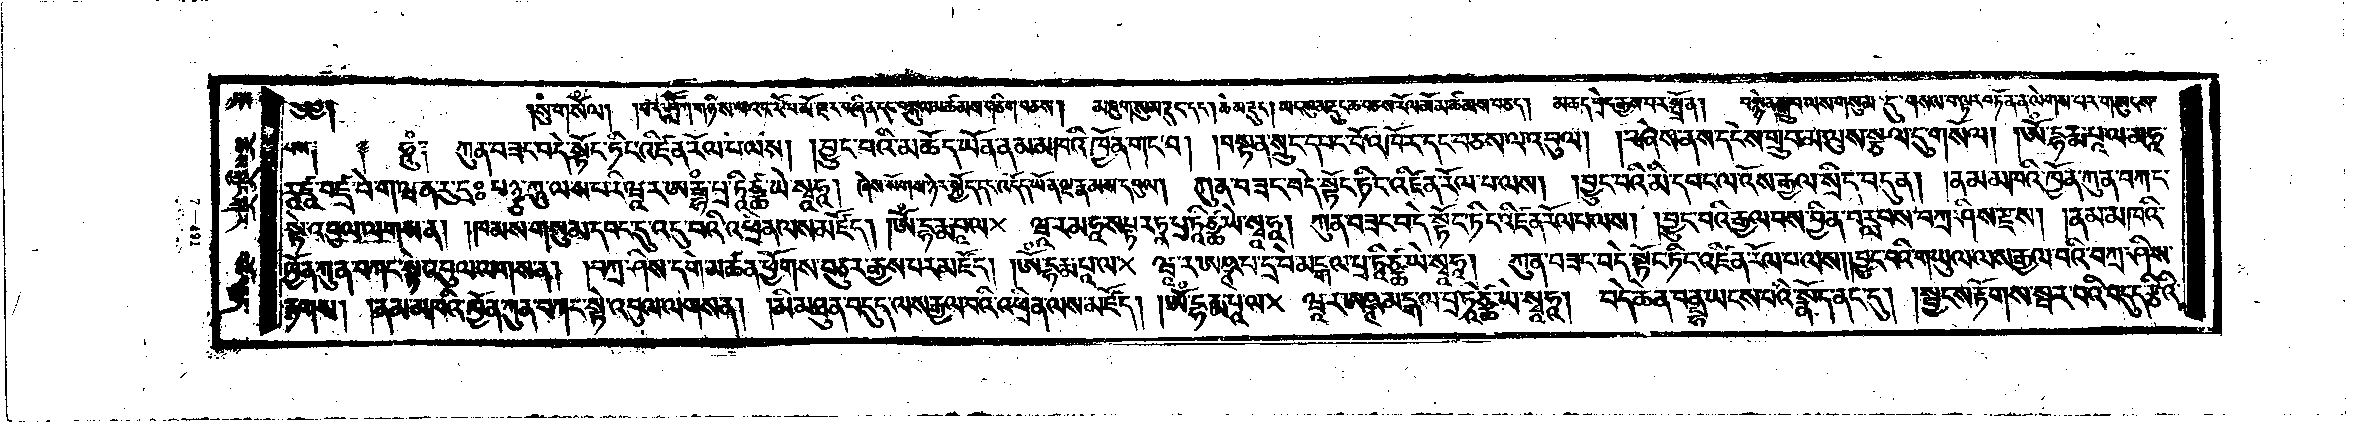༄༅། །སུཾ་གསོལ། བར་ཤླཽཀ་གཉིས་ལའང་རོལ་མོ་ལྔར་བཞིན་དང་བསྐུལ་མཆམས་གཅིག་བཅས། མཇུག་སུམ་རྡུང་དང་། ཆེམ་རྡུང་། ཡང་སུམ་རྡུང་ཆ་བཅས་རོལ་མོ་མཚམས་བཅད། མཆོད་ཕྲེང་རྒྱས་པར་སྤྲོན། བསྙེན་སྒྲུབ་ལས་གསུམ་ལས་གསལ་བ་ལྟར་བཏོན་ན་ལེགས་པར་གསུངས་
བས༑ ༈ ཧཱུཾ༑ ཀུན་བཟང་བདེ་སྟོང་ཏིང་འཛིན་རོལ་པ་ལས། །བྱུང་བའི་མཆོད་ཡོན་ནམ་མཁའི་ཁྱོན་གང་བ། །བསྟན་སྲུང་དབང་པོ་འཁོར་དང་བཅས་ལ་འབུལ། །བཞེས་ནས་དངོས་གྲུབ་མ་ལུས་སྩལ་དུ་གསོལ། །ཨོཾ་དྷ་རྨ་པཱ་ལ་མཧཱ་
རཱ་ཛཱ་བཛྲ་བེ་ག་ཝ་ན་རུ་དྲཿཔཉྞ་སཱུ་ལས་པ་རི་ཝཱ་ར་ཨརྒྷཾ་པྲ་ཏཱིཙྪ་ཡེ་སྭཱཧཱ། ཞེས་སོགས་ཉེར་སྦྱོད་དང་འདོད་ཡོན་ལྔ་རྣམས་དབུལ།  ཀུན་བཟང་བདེ་སྟོང་ཏིང་འཛིན་རོལ་པ་ལས། །བྱུང་པའི་མི་དབང་ལ་འོས་རྒྱལ་སྲིད་བདུན། །ནམ་མཁའི་ཁྱོན་ཀུན་བཀང་
སྟེ་འབུལ་ལགས་ན། །ཁམས་གསུམ་དབང་དུ་འདུ་བའི་འཕྲིན་ལས་མཛོད། །ཨོཾ་དྷརྨཱ་བལ་྾་ཝཱ་ར་མཧཱ་སཔྟ་རཏྣ་པྲ་ཏཱིཙྪ་ཡེ་སྭཱཧཱ། ཀུན་བཟང་བདེ་སྟོང་ཏིང་འཛིན་རོལ་པ་ལས། །བྱུང་བའི་རྒྱལ་བས་བྱིན་བརླབས་བཀྲ་ཤིས་རྫས། །ནམ་མཁའི་
ཁྱོན་ཀུན་བཀང་སྟེ་འབུལ་ལགས་ན། །བཀྲ་ཤིས་དགེ་མཚན་ཕྱོགས་བཅུར་རྒྱས་པར་མཛོད། །ཨོཾ་དྷརྨ་པཱ་ལ་྾་ཝཱ་ར་ཨཥྚ་པ་དྲ་བེ་མངྒལ་པྲ་ཏཱིཙྪ་ཡེ་སྭཱཧཱ། ཀུན་བཟང་བདེ་སྟོང་ཏིང་འཛིན་རོལ་པ་ལས། །བྱུང་བའི་གཡུལ་ལས་རྒྱལ་བའི་བཀྲ་ཤིས་
རྟགས། །ནམ་མཁའི་ཁྱོན་ཀུན་བཀང་སྟེ་འབུལ་ལགས་ན། །མི་མཐུན་བདུད་ལས་རྒྱལ་བའི་འཕྲིན་ལས་མཛོད། །ཨོཾ་དྷརྨ་པཱ་ལ་྾་ཝཱ་ར་ཨཥྚ་མངྒལ་པྲ་ཏཱིཙྪ་ཡེ་སྭཱཧཱ། བདེ་ཆེན་བནྡྷ་ཡངས་པའི་སྣོད་ནང་དུ། །སྦྱངས་རྟོགས་སྦར་བའི་བདུད་རྩིའི་